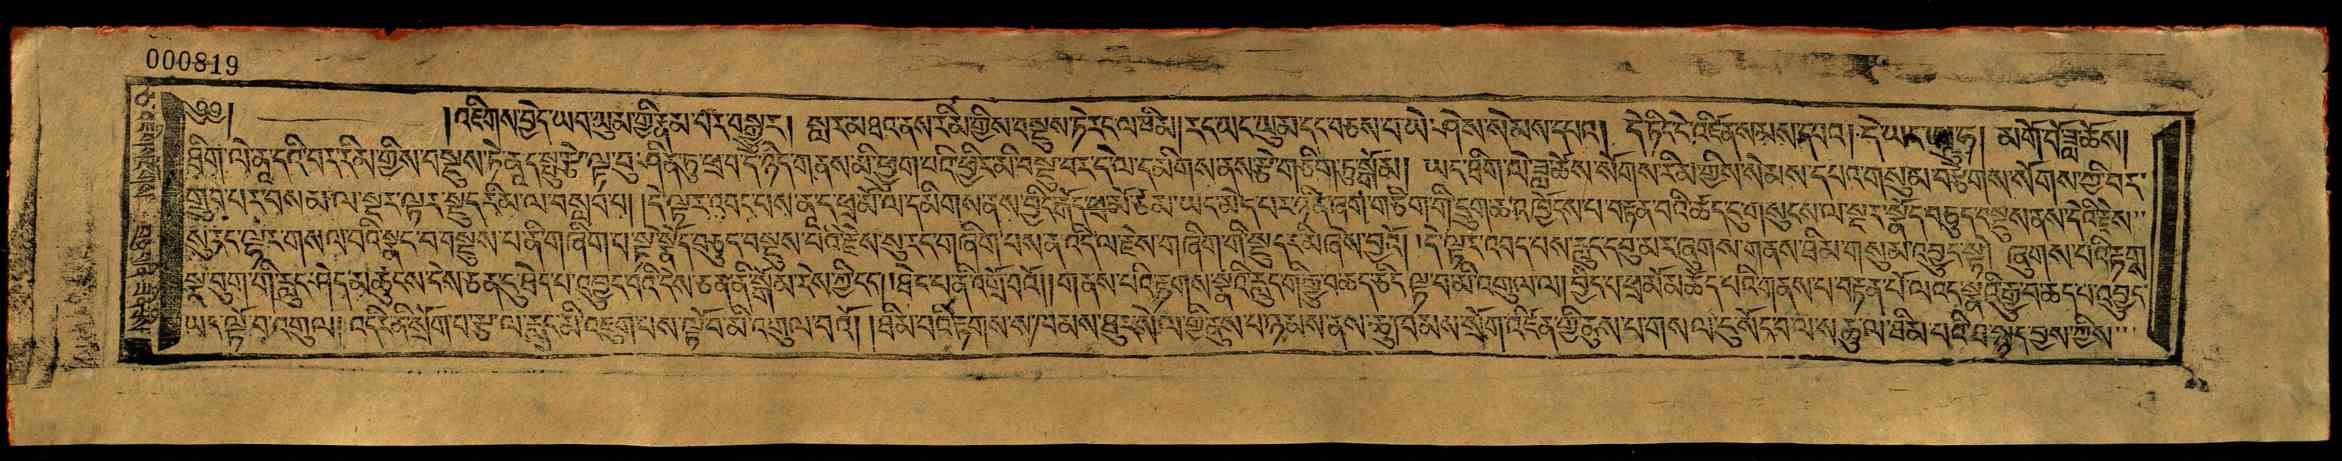༄༅། །འཇིགས་བྱེད་ཡབ་ཡུམ་གྱི་རྣམ་པར་བསྒྱུར། སླར་མཐའ་ནས་རིམ་གྱིས་བསྡུས་ཏེ་རང་ལ་ཐིམ། རང་ཡང་ཡུམ་དང་བཅས་པ་ཡེ་ཤེས་སེམས་དཔའ། དེ་ཏིང་ངེ་འཛིན་སེམས་དཔའ། དེ་ཡང་ཨཱུ་ཧ། མགོ་བོ་ཟླ་ཚེས།
ཐིག་ལེ་ནཱ་དའི་བར་རིམ་གྱིས་བསྡུས་ཏེ་ནཱ་ད་སྤུ་རྩེ་ལྟ་བུ་ཤིན་ཏུ་ཕྲ་བ་དེ་ཉིད་གནས་མི་ཕྱུག་པའི་ཕྱིར་མི་བསྡུ་བར་དེ་ལ་དམིགས་ནས་རྩེ་གཅིག་ཏུ་སྒོམ། ཡང་ཐིག་ལེ་ཟླ་ཚེས་སོགས་རིམ་གྱིས་སེམས་དཔའ་གསུམ་བརྩེགས་སོགས་ཀྱི་བར་
གྲུབ་པར་བསམ་ལ་སྔར་ལྟར་སྡུད་རིམ་ལ་བསླབ་བོ། །དེ་ལྟར་འབད་པས་ནཱ་ད་ཕྲ་མོ་ལ་དམིགས་ནས་བྱིང་རྒོད་ཕྲ་མོ་ཙམ་ཡང་མེད་པར་ཉིན་ཞག་གཅིག་གི་དྲུག་ཆ་འཁྱོངས་པ་བརྟན་པའི་ཚད་དུ་གསུངས་ལ་སྔར་སྣོད་བཅུད་བསྡུས་ནས་དེའི་རྗེས་
སུ་རང་ལྷར་གསལ་བའི་སྣང་བ་བསྡུས་པ་ནི་གཞིག་པ་སྟེ་སྣོད་བཅུད་བསྡུས་པའི་རྗེས་སུ་རང་གཞིག་པས་ན་འདི་ལ་རྗེས་གཞིག་གི་སྡུད་རིམ་ཞེས་བྱའོ། །དེ་ལྟར་འབད་པས་རླུང་དབུ་མར་ཞུགས་གནས་ཐིམ་གསུམ་འབྱུང་སྟེ། ཞུགས་པའི་རྟགས་
སྣ་བུག་གི་རླུང་ཤེད་མཚུངས་ངེས་ཅན་དུ་ཐེང་པ་འབྱུང་བའི་ངེས་ཅན་ནི་སྒོམ་རེས་ཀྱི་དང་། ཐེང་པ་ནི་འགྲོ་བའོ། །གནས་པའི་རྟགས་སྣའི་རླུང་གི་རྒྱུ་བ་ཆད་ཅིང་ལྟེ་བ་མི་འགུལ་ལ། བྱིང་བ་ཕྲ་མོ་མཆོད་པའི་གནས་པ་བརྟན་པོ་ལའང་སྣའི་རྒྱུ་བ་ཆད་པ་འབྱུང་
ཡང་ལྟོ་བ་འགུལ། འདིར་ནི་སྲོག་པ་རྩ་ལ་རླུང་མི་འཇུག་པས་ལྟོ་བ་མི་འགུལ་བའོ། །ཐིམ་པའི་རྟགས་ས་ཁམས་ཐུར་སེལ་གྱི་ནུས་པ་ཉམས་ནས་ཆུ་ཁམས་སྲོག་འཛིན་གྱི་ནུས་པ་གསལ་དུ་སོང་བ་ལ་ས་ཆུ་ལ་ཐིམ་པའི་ཐ་སྙད་བྱས་ཀྱིས་